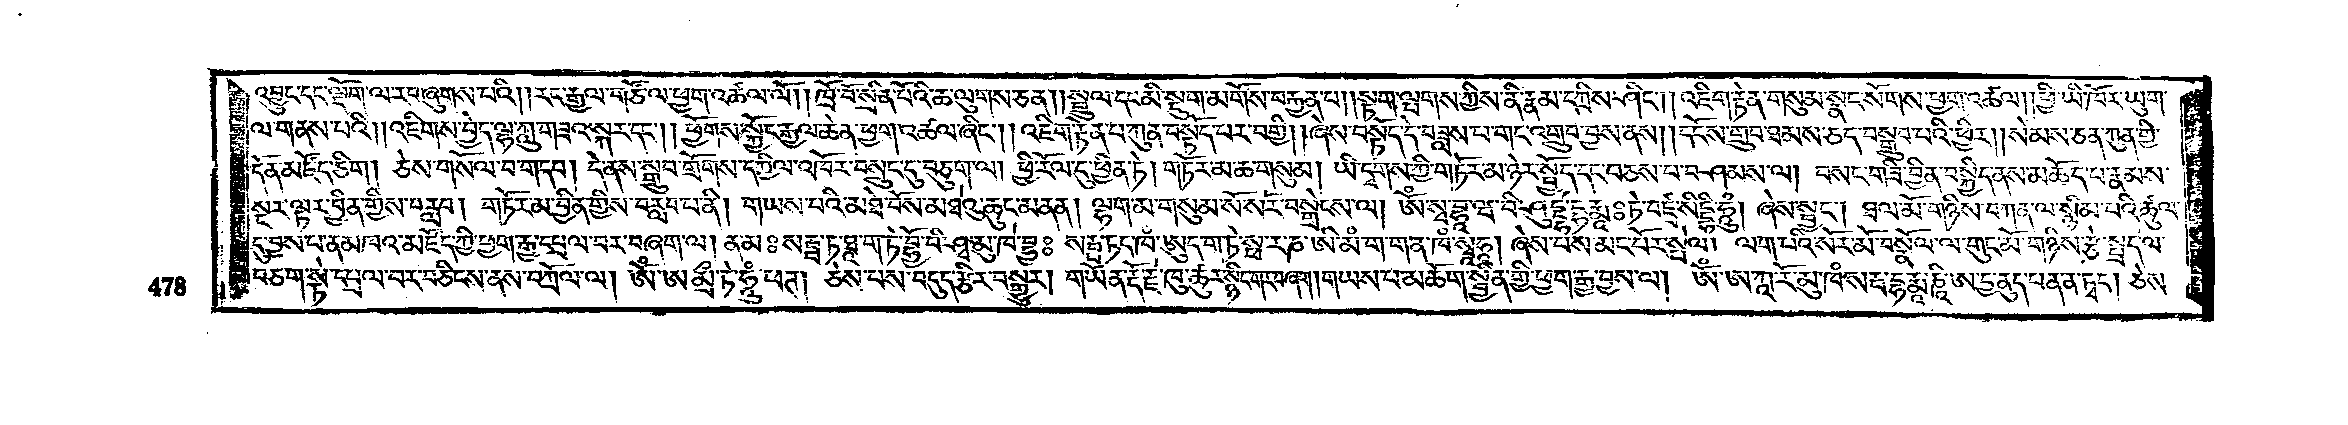འབྱུང་དང་ལྡོག་ལ་རབ་ཞུགས་པའི། །རང་རྒྱལ་གཙོ་ལ་ཕྱག་འཚལ་ལོ། །ཁྲོ་བོ་སྲིན་པོའི་ཆ་ལུགས་ཅན། །སྦྲུལ་དང་མི་སྡུག་མགོས་བརྒྱན་པ། །སྟག་ལྤགས་ཀྱིས་ནི་རྣམ་དཀྲིས་ཤིང་། །འཇིག་རྟེན་གསུམ་སྣང་སོགས་ཕྱག་འཚལ། །ཕྱི་ཡི་ཁོར་ཡུག་
ལ་གནས་པའི། །འཇིགས་བྱེད་ལྷ་ཀླུ་གཟའ་སྐར་དང་། །ཕྱོགས་སྐྱོང་རྒྱལ་ཆེན་ཕྱག་འཚལ་ཞིང་། །འཇིག་རྟེན་པ་ཀུན་བསྟོད་པར་བགྱི། །ཞེས་བསྟོད་དེ་བཟླས་པ་གང་འགྲུབ་བྱས་ནས། །དངོས་གྲུབ་ཐམས་ཅད་བསྒྲུབ་པའི་ཕྱིར། །སེམས་ཅན་ཀུན་གྱི་
དོན་མཛོད་ཅིག །ཅེས་གསོལ་བ་གདབ། དེ་ནས་སྒྲུབ་གྲོགས་དཀྱིལ་འཁོར་བསྲུང་དུ་བཅུག་ལ། ཕྱི་རོལ་དུ་ཕྱིན་ཏེ། གཏོར་མ་ཆ་གསུམ། ཡི་དྭགས་ཀྱི་གཏོར་མ་ཉེར་སྤྱོད་དང་བཅས་པ་བཤམས་ལ། བསང་གཞི་བྱིན་བསྐྱེད་ནས་མཆོད་པ་རྣམས་
སྔར་ལྟར་བྱིན་གྱིས་བརླབ། གཏོར་མ་བྱིན་གྱིས་བརླབ་པ་ནི། གཡས་པའི་མཐེ་བོས་མཐེའུ་ཆུང་མནན། ལྷག་མ་གསུམ་སོ་སོར་བསྒྲེངས་ལ། ཨོཾ་སྭ་བྷཱ་ཝ་བི་ཤུདྡྷེ་དྷ་རྨཱ་H ཏེ་བཛྲ་སིདྡྷི་ཧཱུཾ། ཞེས་སྦྱང་། ཐལ་མོ་གཉིས་བཀན་ལ་སྙིམ་པའི་ཚུལ་
དུ་བྱས་པ་ནམ་མཁའ་མཛོད་ཀྱི་ཕྱག་རྒྱ་དཔྲལ་བར་བཞག་ལ། ན་མ་H སརྦྦ་ཏ་ཐཱ་ག་ཏེ་བྷྱོ་བི་ཤྭ་མུ་ཁེ་བྷྱ་H སརྦྦ་ཏད་ཁཾ་ཨུད་ག་ཏེ་སྥ་ར་ཎ་ཨི་མཾ་ག་ག་ན་ཁཾ་སྭཱ་ཧཱ། ཞེས་པས་མང་པོར་སྤེལ། ལག་པའི་སོར་མོ་བསྣོལ་ལ་གུང་མོ་གཉིས་རྩེ་སྤྲད་ལ་
བཅག་སྟེ་དཔྲལ་བར་བཅིངས་ནས་བཀྲོལ་ལ། ཨོཾ་ཨ་མྲྀ་ཏེ་ཧཱུཾ་ཕཊ། ཅེས་པས་བདུད་རྩིར་བསྒྱུར། གཡོན་རྡོ་རྗེ་ཁུ་ཚུར་སྙིང་གར་བཞག །གཡས་པ་མཆོག་སྦྱིན་གྱི་ཕྱག་རྒྱ་བྱས་ལ། ཨོཾ་ཨ་ཀཱ་རོ་མུ་ཁཾ་སརྦ་དྷ་རྨཱ་ཎཱི་ཨ་དྱ་ནུད་པན་ན་ཏྭད། ཅེས་